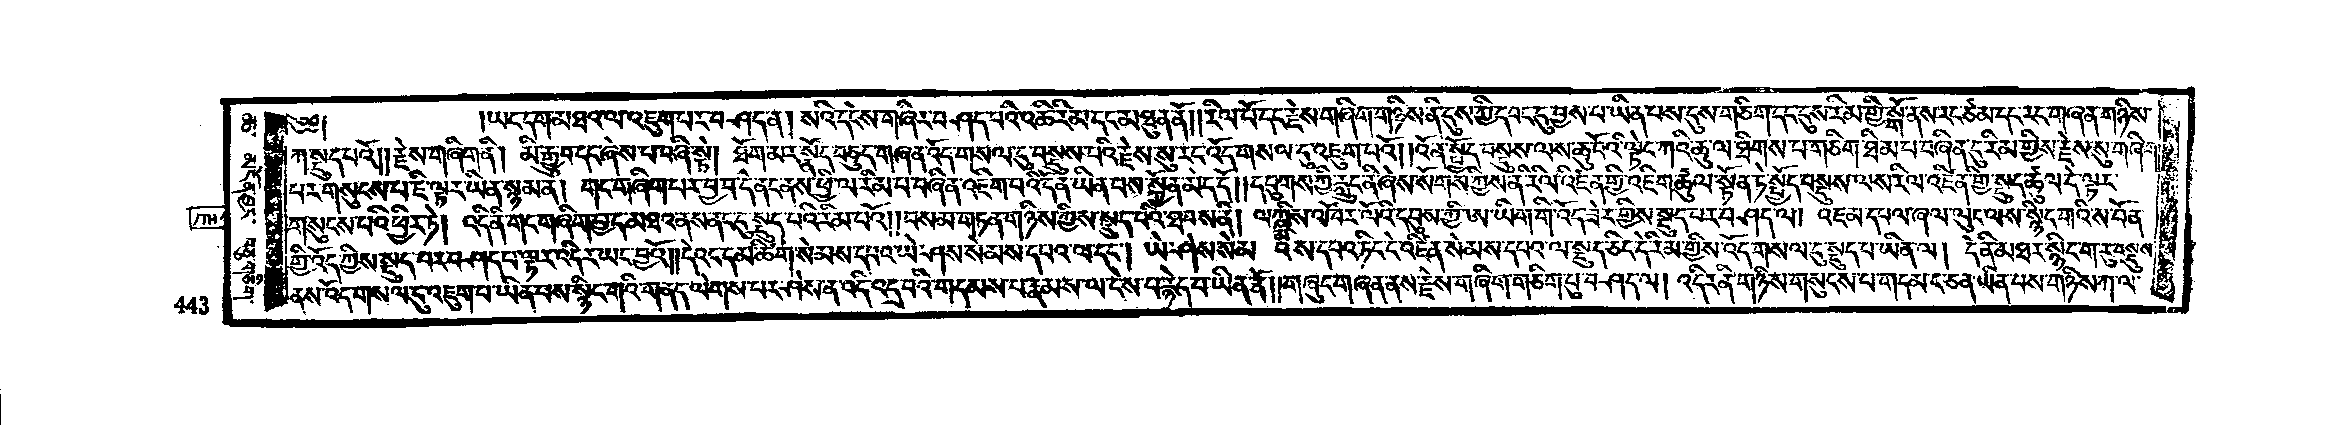༄༅། །ཡང་དག་མཐའ་ལ་འཇུག་པར་བཤད་ན། སའི་དངོས་གཞིར་བཤད་པའི་འཆི་རིམ་དང་མཐུན་ནོ། །རིལ་པོ་དང་རྗེས་གཞིག་གཉིས་ནི་དུས་ཀྱི་དབང་དུ་བྱས་པ་ཡིན་པས་དུས་གཅིག་དང་དུས་རིམ་གྱི་སྒོ་ནས་རང་ཙམ་དང་རང་གཞན་གཉིས་
ཀ་སྡུད་པའོ། །རྗེས་གཞིག་ནི། མི་རྒྱུ་བ་དང་ཞེས་པ་བཞི་སྟེ། ཐོག་མར་སྣོད་བཅུད་གཞན་འོད་གསལ་དུ་བསྡུས་པའི་རྗེས་སུ་རང་འོད་གསལ་དུ་འཇུག་པའོ། །འོ་ན་སྤྱོད་བསྡུས་ལས་ཆུ་བོའི་ལྟེང་ཀའི་ཆུ་ལ་ཐིགས་པ་གཅིག་ཐིམ་པ་བཞིན་དུ་རིམ་གྱིས་རྗེས་སུ་གཞིག་
པར་གསུངས་པ་ཇི་ལྟར་ཡིན་སྙམ་ན། གང་གཞིག་པར་བྱ་བ་དེ་ནང་ནས་ཕྱི་ལ་རིམ་པ་བཞིན་འཇིག་པའི་དོན་ཡིན་པས་སྐྱོན་མེད་དོ། །དབུགས་ཀྱི་རླུང་ནི་ཞེས་སོགས་ཀྱིས་ནི་རིལ་འཛིན་གྱི་འཇིག་ཚུལ་སྟོན་ཏེ་སྤྱོད་བསྡུས་ལས་རིལ་འཛིན་གྱི་སྡུད་ཚུལ་དེ་ལྟར་
གསུངས་པའི་ཕྱིར་ཏེ། འདི་ནི་གང་གཞིག་བྱ་དེ་མཐའ་ནས་ནང་དུ་སྡུད་པའི་རིམ་པའོ། །བསམ་གཏན་གཉིས་ཀྱིས་སྡུད་པའི་ཐབས་ནི། ལཀྵྨཱིས་འཁོར་ལོའི་དབུས་ཀྱི་ཨ་ཡིག་གི་འོད་ཟེར་གྱིས་སྡུད་པར་བཤད་ན། འཇམ་དཔལ་ཞལ་ལུང་ལས་སྙིང་གའི་ས་བོན་
གྱི་འོད་ཀྱིས་སྡུད་པར་བཤད་པ་ལྟར་འདིར་ཡང་བྱའོ། །དེའང་དམ་ཚིག་སེམས་དཔའ་ཡེ་ཤེས་སེམས་དཔའ་ལ་དང་། ཡེ་ཤེས་སེམས་དཔའ་ཏིང་ངེ་འཛིན་སེམས་དཔའ་ལ་སྡུད་ཅིང་དེ་རིམ་གྱིས་འོད་གསལ་དུ་སྡུད་པ་ཡིན་ལ། དེ་ནི་མཐར་སྙིང་ག་རུ་བསྡུས་
ནས་འོད་གསལ་དུ་འཇུག་པ་ཡིན་པས་སྙིང་གའི་གནད་ལེགས་པར་ཤེས་ན་འདི་འདྲ་བའི་གདམས་པ་རྣམས་ལ་ངེས་པ་རྙེད་པ་ཡིན་ནོ། །གཞུང་གཞན་ནས་རྗེས་གཞིག་གཅིག་པུ་བཤད་ལ། འདིར་ནི་གཉིས་གསུངས་པ་གདམ་ང་ཅན་ཡིན་པས་གཉིས་ཀ་ལ་